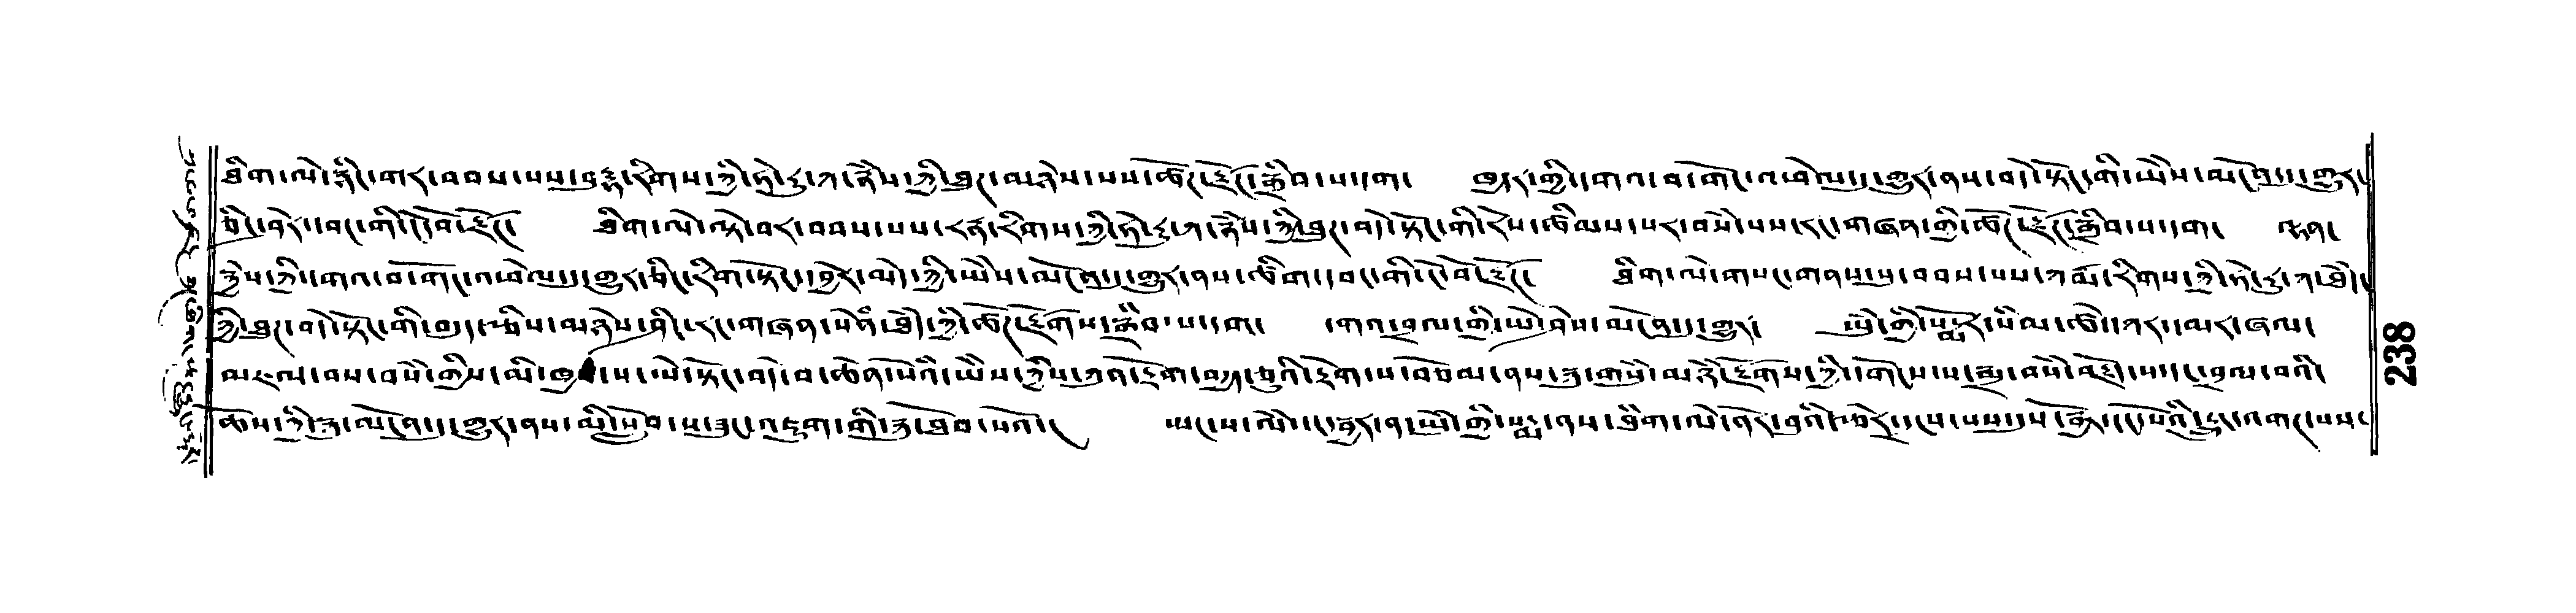ཐིག་ལེ་སྙིང་གར་བབས་པས་བུདྡྷ་རིགས་ཀྱི་ཧེ་རུ་ཀ་རྣམས་ཀྱི་ཐུགས་མཉེས་པས་ཚོགས་རྫོགས་སྒྲིབ་པ་དག ཁྱད་པར་གྱི་དགའ་བ་གོང་འཕེལ་དུ་གྱུར་ནས་བདེ་སྟོང་གི་ཡེ་ཤེས་མངོན་དུ་གྱུར་
ཅིང་ཤེར་དབང་གི་ངོ་བོ་རྫོགས།ཐིག་ལེ་ལྟེ་བར་བབས་པས་རཏྣ་རིགས་ཀྱི་ཧེ་རུ་ཀ་རྣམས་ཀྱི་ཐུགས་བདེ་སྟོང་གི་རོས་ཚིམས་པར་བསམ་པས་རང་གཞན་གྱི་ཚོགས་རྫོགས་སྒྲིབ་པ་དག ལྷན་
སྐྱེས་ཀྱི་དགའ་བ་གོང་འཕེལ་དུ་གྱུར་ཅིང་རིག་སྟོང་དབྱེར་མེད་ཀྱི་ཡེ་ཤེས་མངོན་དུ་གྱུར་ནས་ཚིག་དབང་གི་ངོ་བོ་རྫོགས། ཐིག་ལེ་གསང་གནས་སུ་བབས་པས་ཀརྨ་རིགས་ཀྱི་ཧེ་རུ་ཀ་ཐམས་ཅད་
ཀྱི་ཐུགས་བདེ་སྟོང་གི་བདུད་རྩིས་མཉེས་ཤིང་རང་གཞན་སེམས་ཅན་ཐམས་ཅད་ཀྱི་ཚོགས་རྫོགས་སྒྲིབ་པ་དག དགའ་བྲལ་གྱི་ཡེ་ཤེས་མངོན་དུ་གྱུར། ཡུམ་གྱི་པདྨོར་སིམ་ཚེ་དཀར་དམར་ཞལ་
མཇལ་བས་བསམ་གྱིས་མི་ཁྱབ་པ་ཡེ་སྟོང་བདེ་བ་ཆེན་པོའི་ཡེ་ཤེས་ཀྱི་ཀུན་རྟོག་བརྒྱད་ཅུའི་རྟོག་པ་བཅོམ་ནས་སྐུ་གསུམ་མཉམ་རྫོགས་ཀྱི་དགོངས་པ་སྨྲ་བསམ་བརྗོད་པ་དང་བྲལ་བའི་
ཆོས་ཀྱི་སྐུ་མངོན་དུ་གྱུར་ནས་མི་སློབ་པ་ཟུང་འཇུག་གི་སྐུ་ཐོབ་པའོ། ཡང་ས་ལམ་དང་སྦྱར་ན་ཡུམ་གྱི་པདྨ་ནས་ཐིག་ལེ་ནོར་བུའི་རྩེར་དྲངས་པས་དུས་སྦྱོར་དང་པོའི་རླུང་འགགས་པས་